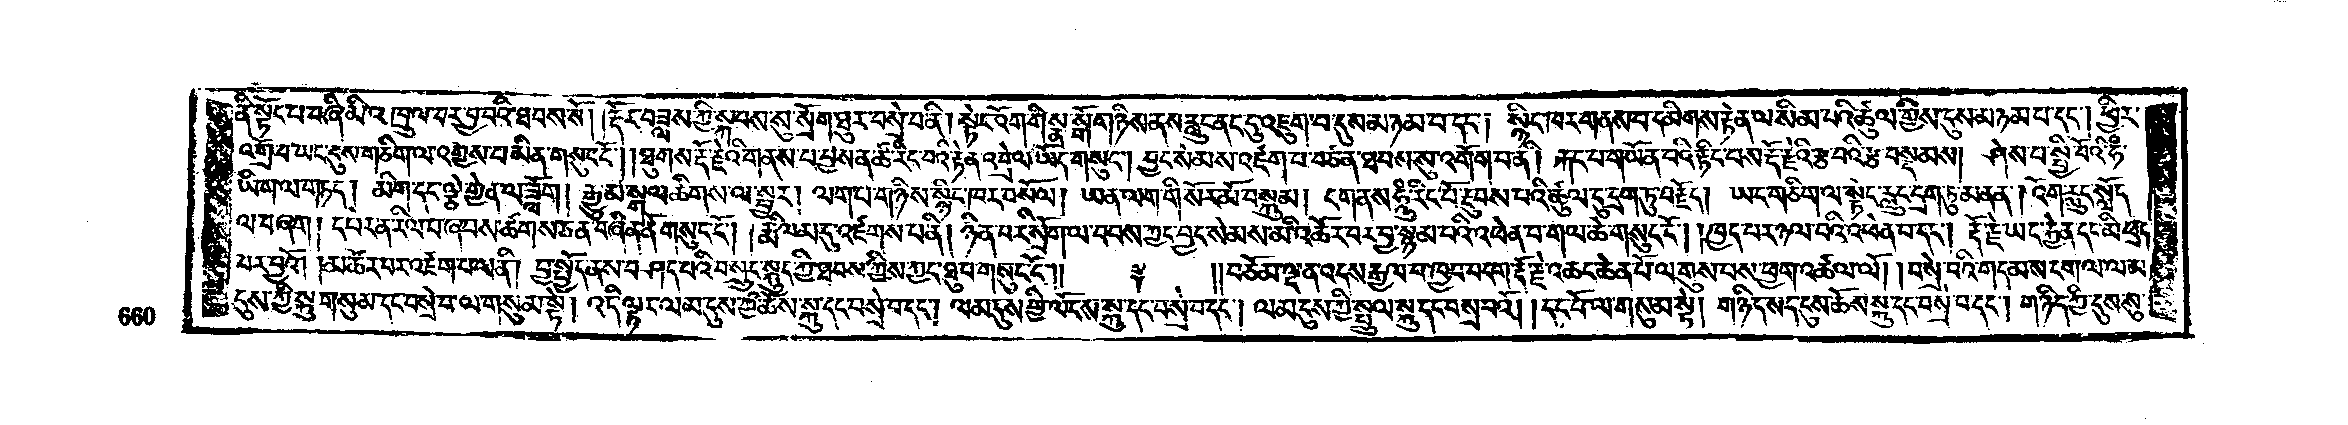ནི་སྟོང་པ་བཞི་མི་འཁྲུལ་བར་བྱ་བའི་ཐབས་སོ། །རྡོར་བཟླས་ཀྱི་སྐབས་སུ་སྲོག་ཐུར་བསྲེ་བ་ནི། སྟེང་འོག་གི་སྣ་སྒོ་གཉིས་ནས་རླུང་ནང་དུ་འཇུག་པ་དུས་མཉམ་པ་དང་། སྙིང་ཁར་གནས་པ་དམིགས་རྟེན་ལ་སིམ་པའི་ཚུལ་གྱིས་དུས་མཉམ་པ་དང་། ཕྱིར་
འགྲོ་བ་ཡང་དུས་གཅིག་ལ་འགྱེས་པ་མིན་གསུང་ངོ། །ཐུགས་རྡོ་རྗེའི་གནས་པ་བྱས་ན་ཚེ་རིང་བའི་རྟེན་འབྲེལ་ཡོད་གསུང་། བྱང་སེམས་འཛག་པ་བཙན་ཐབས་སུ་འགོག་པ་ནི། རྐང་པ་གཡོན་པའི་རྟིང་པས་རྡོ་རྗེའི་རྩ་བའི་རྩ་བསྡམས། ཤེས་པ་སྤྱི་བོའི་ཧཾ་
ཡིག་ལ་གཏད། མིག་དང་ལྕེ་གྱེན་ལ་ཟློག །རྒྱུ་མ་སྒལ་ཚིགས་ལ་སྦྱར། ལག་པ་གཉིས་སྙིང་ཁར་བསྣོལ། ཡན་ལག་གི་སོར་མོ་བསྐུམ། ངག་ནས་ཧཱུཾ་རིང་པོ་རྡུབས་པའི་ཚུལ་དུ་དྲག་ཏུ་བརྗོད། ཡང་གཅིག་ལ་སྟེང་རླུང་དྲག་ཏུ་མནན། འོག་རླུང་སློད་
ལ་བཞག །དཔེར་ན་རིལ་བ་ཞབས་ཚགས་ཅན་བཞིན་ནོ་གསུང་ངོ། །རྨི་ལམ་དུ་འཛགས་པ་ནི། ཉིན་པར་སྲོག་ལ་བབས་ཀྱང་བྱང་སེམས་མི་འཚོར་བར་བྱ་སྙམ་པའི་འཕེན་པ་གལ་ཆེ་གསུང་ངོ། །ཁྱད་པར་ཉལ་བའི་འཕེན་པ་དང་། རྡོ་རྗེ་ཡང་རྐྱེན་དང་མི་ཕྲད་
པར་བྱའོ། །མ་ཚེར་?་བར་འཛག་པ་ལ་ནི། བྱ་སྤྱོད་ནས་བཤད་པའི་བསྲུང་སྐུད་ཀྱི་ཐབས་ཀྱིས་ཀྱང་ཐུབ་གསུང་ངོ།། ༈ །།བཅོམ་ལྡན་འདས་རྒྱལ་བ་ཁྱབ་བདག་རྡོ་རྗེ་འཆང་ཆེན་པོ་ལ་གུས་པས་ཕྱག་འཚལ་ལོ། །བསྲེ་བའི་གདམས་ངག་ལ་ལམ་
དུས་ཀྱི་སྐུ་གསུམ་དང་བསྲེ་བ་ལ་གསུམ་སྟེ། འདི་ལྟར་ལམ་དུས་ཀྱི་ཆོས་སྐུ་དང་བསྲེ་བ་དང་། ལམ་དུས་ཀྱི་ལོངས་སྐུ་དང་བསྲེ་བ་དང་། ལམ་དུས་ཀྱི་སྤྲུལ་སྐུ་དང་བསྲ་བའོ། །དང་པོ་ལ་གསུམ་སྟེ། གཉིད་སད་དུས་ཆོས་སྐུ་དང་བསྲེ་བ་དང་། གཉིད་ཀྱི་དུས་སུ་